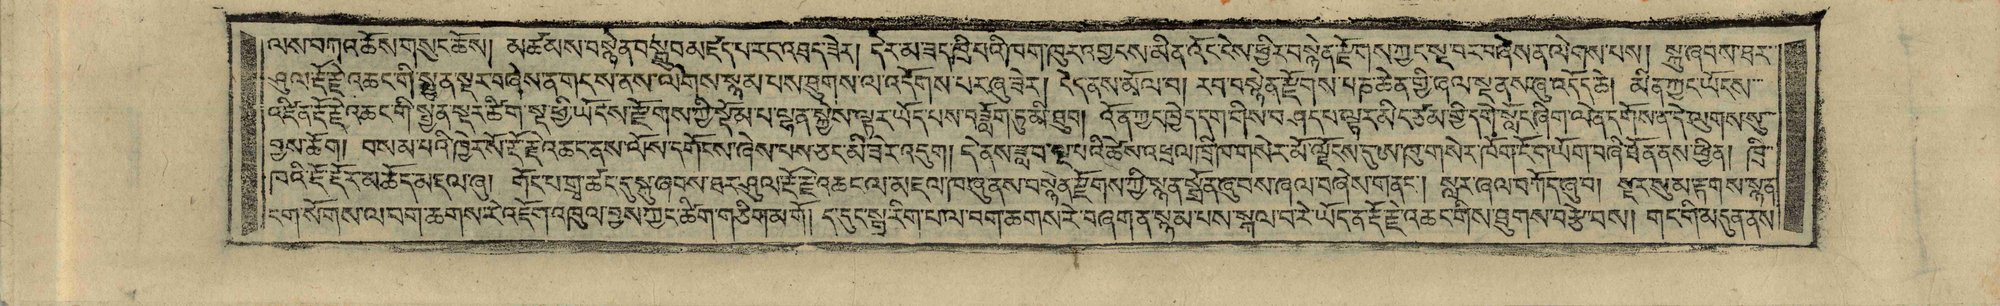ལས་བཀའ་ཆོས་གསུང་ཆོས། མཚམས་བསྙེན་བསྒྲུབ་མཛད་པ་རང་འཐད་ཟེར། དེར་མ་ཟད་ཁྲི་པའི་ཁག་ཁུར་འགྱངས་མིན་འོང་ངེས་ཕྱིར་བསྙེན་རྫོགས་ཀྱང་སྔ་བར་བཞེས་ན་ལེགས་པས། སྐུ་ཞབས་ཐར་
ཤུལ་རྡོ་རྗེ་འཆང་གི་སྤྱན་སྔར་བཞེས་ན་གངས་ནས་ལེགས་སྙམ་པས་ཐུགས་ལ་འདོགས་པར་ཞུ་ཟེར། ངེད་ནས་མོལ་བ། རབ་བསྙེན་རྫོགས་པཎ་ཆེན་གྱི་ཞལ་སྔ་ནས་ཞུ་འདོད་ཆེ། མིན་ཀྱང་ཡོངས་
འཛིན་རྡོ་རྗེ་འཆང་གི་སྤྱན་སྔར་ཚིག་སྔ་ཕྱི་ཡོངས་རྫོགས་ཀྱི་སྡོམ་པ་ལྷན་སྐྱེས་ལྟར་ཡོད་པས་བཟློག་ཏུ་མི་ཐུབ། འོན་ཀྱང་ཁྱེད་དག་གིས་བཤད་པ་ལྟར་མིང་ཙམ་གྱི་དགེ་སློང་ཞིག་ལེན་དགོས་ན་དེ་ལུགས་སུ་
བྱས་ཆོག །བསམ་པའི་ཁྱེར་སོ་རྡོ་རྗེ་འཆང་ནས་ལོས་དགོངས་ཞེས་པས་ཅང་མི་ཟེར་འདུག །དེ་ནས་ཟླ་བ་ལྔ་པའི་ཚེས་འཕྲལ་ཁྲི་ཁ་གསེར་མོ་ལྗོངས་དུ་ཨ་ཁུ་གསེར་ཁོག་ངོ་གཡོག་བཞི་ཐོན་ནས་ཕྱིན། ཁྲི་
ཁའི་ཇོ་ཇོར་མཆོད་མཇལ་ཞུ། གོང་པ་གྲྭ་ཚང་དུ་སྐུ་ཞབས་ཐར་ཤུལ་རྡོ་རྗེ་འཆང་ལ་མཇལ་ཁ་ཞུ་ནས་བསྙེན་རྫོགས་ཀྱི་སྙན་སྒྲོན་ཞུ་བས་ཞལ་བཞེས་གནང་། སླར་ཞལ་བཀོད་ཞུ་བ། སྔར་སུམ་རྟགས་སྙན་
ངག་སོགས་ལ་བག་ཆགས་རེ་འཇོག་འཁུལ་བྱས་ཀྱང་ཚིག་གཅིག་མ་གོ །ད་དུང་སྒྲ་རིག་པ་ལ་བག་ཆགས་རེ་བཞག་ན་སྙམ་པས་སྐལ་བ་རེ་ཡོད་ན་རྡོ་རྗེ་འཆང་གིས་ཐུགས་བརྩེ་བས། གང་གི་མདུན་ནས་